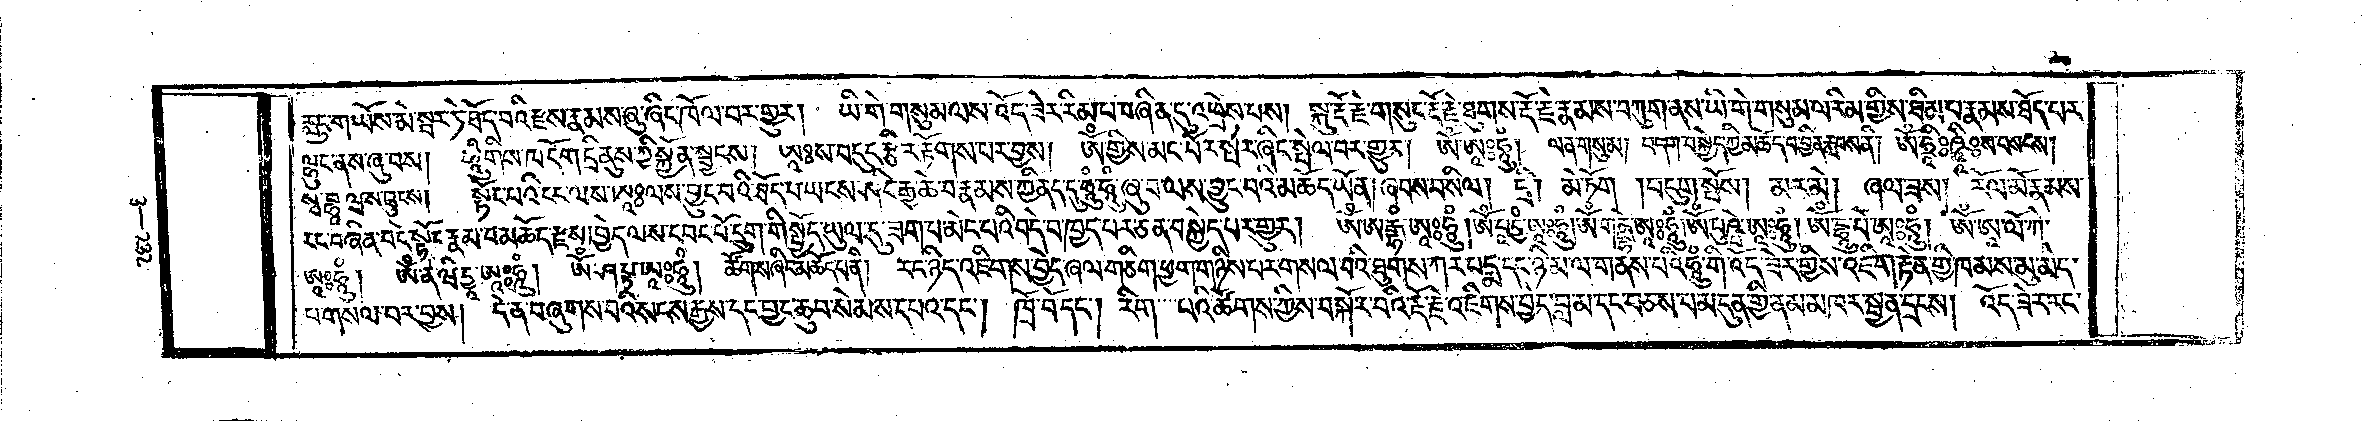རླུང་གཡོས་མེ་སྦར་ཏེ་ཐོད་པའི་རྫས་རྣམས་ཞུ་ཞིང་ཁོལ་པར་གྱུར། ཡི་གེ་གསུམ་ལས་འོད་ཟེར་རིམ་པ་བཞིན་དུ་འཕྲོས་པས། སྐུ་རྡོ་རྗེ་གསུང་རྡོ་རྗེ་ཐུགས་རྡོ་རྗེ་རྣམས་བཀུག་ནས་ཡི་གེ་གསུམ་ལ་རིམ་གྱིས་ཐིམ་པ་རྣམས་ཐོད་པར་
ལྷུང་ནས་ཞུ་བས། ཧཱུའི་གིས་ཁ་དོག་དྲི་ནུས་ཀྱི་སྐྱོན་སྦྱངས། ཨཱཿ ས་བདུད་རྩིར་རྟོགས་པར་བྱས། ཨོཾ་གྱིས་མང་པོར་སྤར་ཞིང་སྤེལ་བར་གྱུར། ཨོཾ་ཨཱཿཧཱུཾ། ལན་གསུམ། བདག་བསྐྱེད་ཀྱི་མཆོད་བ་བྱིན་རླབས་ནི། ཨོཾ་ཧྲཱིཿ ཥྲཱིཿ ས་བསངས།
སྭ་བྷཱ་ཝས་ཉུངས། སྟོང་པའི་ངང་ལས་ཨཱཿ ལས་བྱུང་བའི་ཐོད་པ་ཡངས་ཤིང་རྒྱ་ཆེ་བ་རྣམས་ཀྱི་ནད་དུ་ཧཱུཾ་ཧཱུཾ་ཞུ་བ་ལས་བྱུང་བའི་མཆོད་ཡོན། ཞབས་བསིལ། དྲི། མེ་ཏོག །བདུག་སྤོས། མར་མེ། ཞལ་ཟས། རོལ་མོ་རྣམས་
རང་བཞིན་བདེ་སྟོང་རྣམ་བ་མཆོད་རྫས། །བྱེད་ལས་དབང་པོ་དྲུག་གི་སྤྱོད་ཡུལ་དུ་ཟག་པ་མེད་པའི་བདེ་བ་ཁྱད་པར་ཅན་བསྐྱེད་པར་གྱུར། ཨོཾ་ཨརྒྷཾ་ཨཱཿ ཧཱུཾ། ཨོཾ་པཱདྱཾ་ཨཱཿ ཧཱུཾ། ཨོ་གནྡྷེ་ཨཱཿ ཧཱུཾ། ཨོཾ་པུཥྤེ་ཨཱཿ ཧཱུཾ། ཨོཾ་དྷཱུ་པོ་ཨཱཿ ཧཱུཾ། ཨོཾ་ཨཱ་ལོ་ཀེ་
ཨཱཿ ཧཱུཾ། ཨོཾ་ནི་ཝིདྱཱ་ཨཱཿ ཧཱུཾ། ཨོཾ་ཤཔྟ་ཨཱཿཧཱུཾ། ཚོགས་ཞིང་མཆོད་པ་ནི། རང་ཉིད་འཇིགས་བྱེད་ཞལ་གཅིག་ཕྱག་གཉིས་པར་གསལ་བའི་ཐུགས་ཀར་པདམ་དང་ཉི་མ་ལ་གནས་པའི་ཧཱུཾ་གི་འོད་ཟེར་གྱིས་འཇིག་རྟེན་གྱི་ཁམས་མུ་མེད་
པ་གསལ་བར་བྱས། དེ་ན་བཞུགས་བའི་སངས་རྒྱས་དང་བྱང་ཆུབ་སེམས་དཔའ་དང་། ཁྲོ་བོ་དང་། རིག་པའི་ཚོགས་ཀྱིས་བསྐོར་བའི་རྡོ་རྗེ་འཇིགས་བྱེད་བླ་མ་དང་བཅས་པ་མདུན་གྱི་ནམ་མཁར་སྦྱན་དྲངས། འོད་ཟེར་འང་